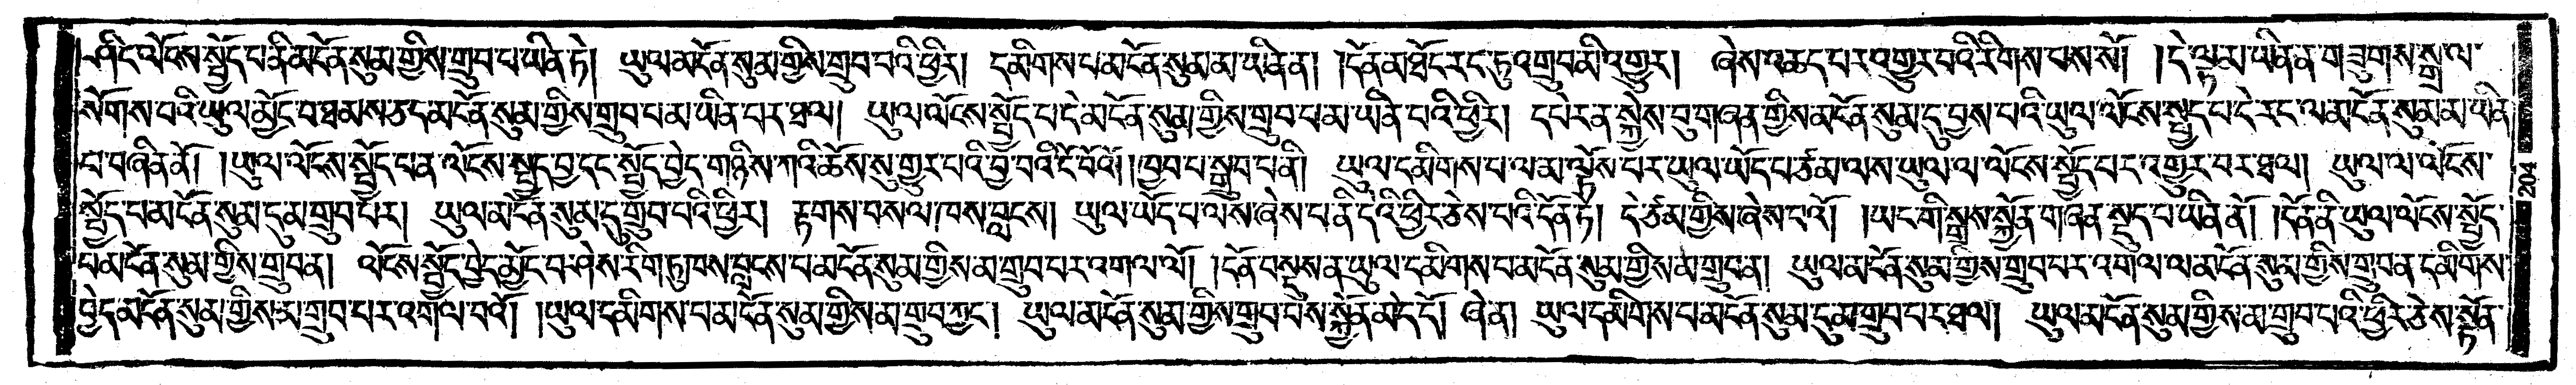ཤིང་ལོངས་སྤྱོད་པ་ནི་མངོན་སུམ་གྱིས་གྲུབ་པ་ཡིན་ཏེ། ཡུལ་མངོན་སུམ་གྱིས་གྲུབ་པའི་ཕྱིར། དམིགས་པ་མངོན་སུམ་མ་ཡིན་ན། །དོན་མཐོང་རབ་ཏུ་འགྲུབ་མི་འགྱུར། ཞེས་འཆད་པར་འགྱུར་བའི་རིགས་པས་སོ། །དེ་ལྟ་མ་ཡིན་ན་གཟུགས་སྒྲ་ལ་
སོགས་པའི་ཡུལ་མྱོང་བ་ཐམས་ཅད་མངོན་སུམ་གྱིས་གྲུབ་པ་མ་ཡིན་པར་ཐལ། ཡུལ་ལོངས་སྤྱོད་པ་དེ་མངོན་སུམ་གྱིས་གྲུབ་པ་མ་ཡིན་པའི་ཕྱིར། དཔེར་ན་སྐྱེས་བུ་གཞན་གྱིས་མངོན་སུམ་དུ་བྱས་པའི་ཡུལ་ལོངས་སྤྱད་པ་དེ་རང་ལ་མངོན་སུམ་མ་ཡིན་
པ་བཞིན་ནོ། །ཡུལ་ལོངས་སྤྱོད་པ་ན་ལོངས་སྤྱད་བྱ་དང་སྤྱོད་བྱེད་གཉིས་ཀའི་ཆོས་སུ་གྱུར་པའི་བྱ་བའི་ངོ་བོའོ། །ཁྱབ་པ་སྒྲུབ་པ་ནི། ཡུལ་དམིགས་པ་ལ་མ་ལྟོས་པར་ཡུལ་ཡོད་པ་ཙམ་ལས་ཡུལ་ལ་ལོངས་སྤྱོད་པར་འགྱུར་བར་ཐལ། ཡུལ་ལ་ལོངས་
སྤྱོད་པ་མངོན་སུམ་དུ་མ་གྲུབ་པར། ཡུལ་མངོན་སུམ་དུ་གྲུབ་པའི་ཕྱིར། རྟགས་བསལ་ཁས་བླངས། ཡུལ་ཡོད་པ་ལས་ཞེས་པ་ནི་དེའི་ཕྱིར་ཅེས་པའི་དོན་ཏེ། དེ་ཙམ་གྱིས་ཞེས་པའོ། །ཡང་གི་སྒྲས་སྐྱོན་གཞན་སྡུད་པ་ཡིན་ནོ། །དོན་ནི་ཡུལ་ལོངས་སྤྱོད་
པ་མངོན་སུམ་གྱིས་གྲུབ་ན། ལོངས་སྤྱོད་བྱེད་མྱོང་བ་ཤེས་རིག་ཏུ་ཁས་བླངས་པ་མངོན་སུམ་གྱིས་མ་གྲུབ་པར་འགལ་ལོ། །དོན་བསྡུས་ན་ཡུལ་དམིགས་པ་མངོན་སུམ་གྱིས་མ་གྲུབ་ན། ཡུལ་མངོན་སུམ་གྱིས་གྲུབ་པར་འགལ་ལ་མངོན་སུམ་གྱིས་གྲུབ་ན་དམིགས་
བྱེད་མངོན་སུམ་གྱིས་མ་གྲུབ་པར་འགལ་བའོ། །ཡུལ་དམིགས་པ་མངོན་སུམ་གྱིས་མ་གྲུབ་ཀྱང་། ཡུལ་མངོན་སུམ་གྱིས་གྲུབ་པས་སྐྱོན་མེད་དོ། ཞེ་ན། ཡུལ་དམིགས་པ་མངོན་སུམ་དུ་མ་གྲུབ་པར་ཐལ། ཡུལ་མངོན་སུམ་གྱིས་མ་གྲུབ་པའི་ཕྱིར་ཅེས་སྟོན་